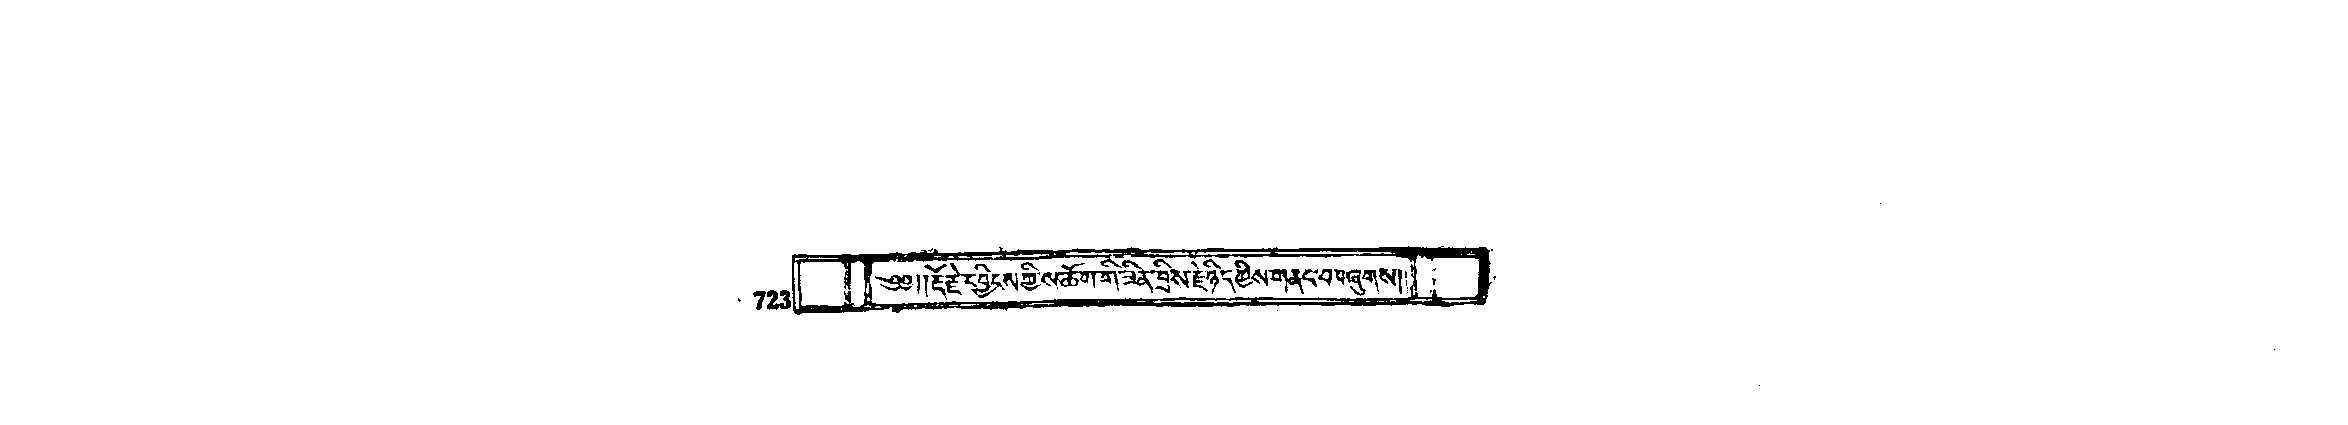༄༅། །རྡོ་རྗེ་དབྱིངས་ཀྱི་ས་ཆོག་གི་ཟིན་བྲིས་རྗེ་ཉིད་ཀྱིས་གནང་བ་བཞུགས། །